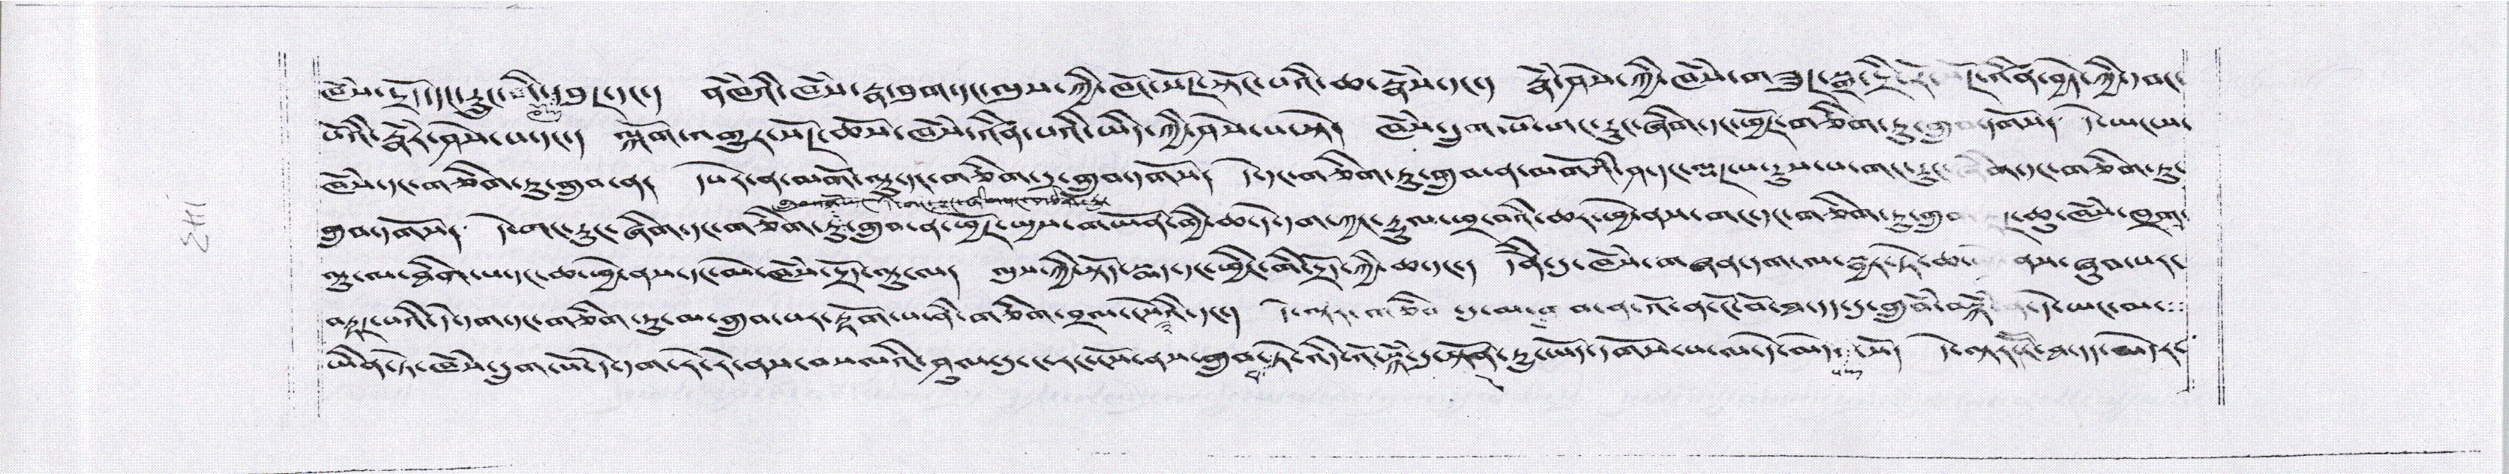ཁམས་དྲོད་དང་། རླུང་གི་ཁམས་དབུགས་དང་། ནམ་མཁའི་སྣ་བུག་དང་ལུས་ཀྱི་ཁོང་སེང་སྟོང་པའི་ཆ་རྣམས་དང་། རྣམ་ཤེས་ཀྱི་ཁམས་གཟུགས་སྒྲ་དྲི་རོ་སོགས་འཛིན་བྱེད་ཀྱི་དབང་
པོའི་རྣམ་པར་ཤེས་པ་དང་། ལྐོག་གྱུར་སོགས་ཆོས་ཁམས་འཛིན་པའི་ཡིད་ཀྱི་རྣམ་པར་ཤེས་པ་སྟེ། ཁམས་དྲུག་པོ་གང་རུང་ཞིག་དང་ཕྱོགས་གཅིག་ཏུ་གྲུབ་དགོས། དེ་ཡང་ས་
ཁམས་དང་གཅིག་ཏུ་གྲུབ་ན་དཔེར་ན་མགོ་ལྟ་བུ་དང་གཅིག་ཏུ་གྲུབ་དགོས། དེ་དང་གཅིག་ཏུ་གྲུབ་ན་མགོ་ཡི་ཤ་དང་པགས་པ་རུས་པ་གང་རུང་ཞིག་དང་གཅིག་ཏུ་
གྲུབ་དགོས། དེ་གང་རུང་ཞིག་དང་གཅིག་ཏུ་གྲུབ་ན་ཕྱོགས་གཡས་གཡོན་གྱི་ཆ་དེ་དག་ཀྱང་རྡུལ་ཕྲ་བའི་ཆར་ཕྱེ་ནས་གང་དང་གཅིག་ཏུ་གྲུབ་རྟགས་ཆུ་ཁམས་ཁྲག་
ལྟ་བུ་ལ་ཐིག་པ་དང་ཆ་ཕྱེ་ནས་དང་མེ་ཁམས་དྲོད་ལྟ་བུ་ལ། ལུས་ཀྱི་སྟོད་སྨད་དང་ཕྱི་ནང་གི་དྲོད་ཀྱི་ཆ་དང་། དེ་བཞིན་དུ་ཁམས་གཞན་དག་ལ་སྦྱར་ཏེ་ཆ་ཕྱེ་ནས་ཞིབ་པར་
བརྟགས་པས་དེ་དག་དང་གཅིག་ཏུ་མ་གྲུབ་པར་རྟོགས་པ་ནི་གཅིག་བྲལ་ངེས་པའི་དང་། དེ་ལྟར་གཅིག་ཏུ་མ་གྲུབ་ན་འོ་ན་ངོ་བོ་ཐ་དད་དུ་གྲུབ་བམ་སྙམ་ན་དེ་ཡང་མ་
ཡིན་ཏེ། ཁམས་དྲུག་པོ་དེ་དག་རེ་རེ་ནས་བསལ་བའི་ཤུལ་དུ་ང་རང་ངོས་ནས་གྲུབ་པ་སྟེ་འདིའོ་སྙམ་དུ་སྟོན་རྒྱུ་ཡོད་དགོས་པ་ལ་དེ་མེད་པས་སོ། དེ་ལྟར་ངོ་བོ་ཐ་དད་མེད་པར་